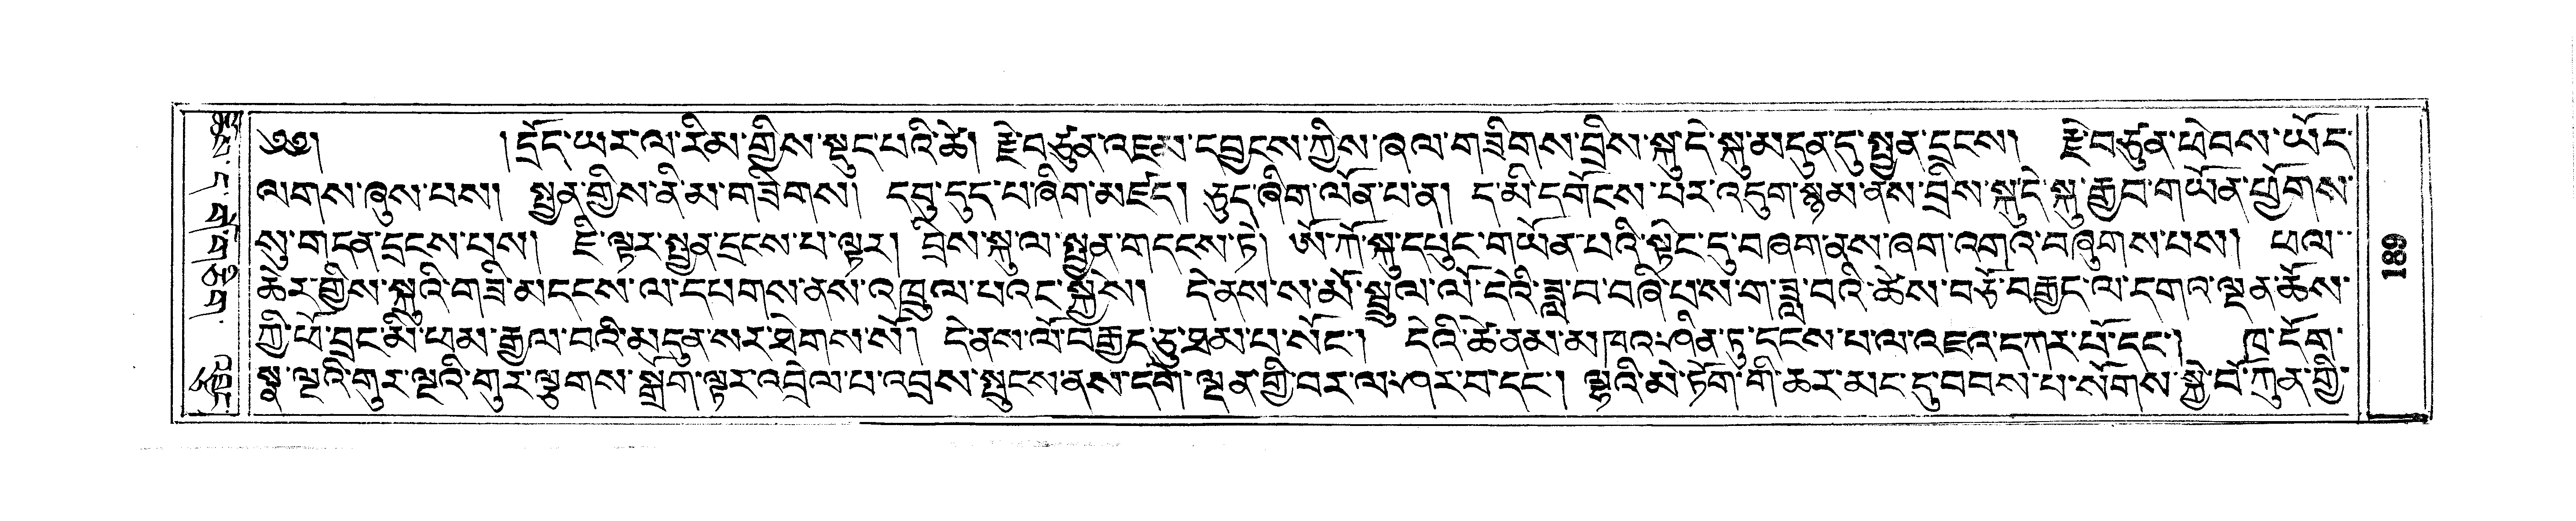༄༅། །དྲོད་ཡར་ལ་རིམ་གྱིས་སྡུད་པའི་ཚེ། རྗེ་བཙུན་འཇམ་དབྱངས་ཀྱིས་ཞལ་གཟིགས་བྲིས་སྐུ་དེ་སྐུ་མདུན་དུ་སྤྱན་དྲངས། རྗེ་བཙུན་ཕེབས་ཡོད་
ལགས་ཞུས་པས། སྤྱན་གྱིས་ནི་མ་གཟིགས། དབུ་དུད་པ་ཞིག་མཛད། ཅུད་ཞིག་ལོན་པ་ན། ད་མི་དགོངས་པར་འདུག་སྙམ་ནས་བྲིས་སྐུ་དེ་སྐུ་རྒྱབ་གཡོན་ཕྱོགས་
སུ་གདན་དྲངས་པས། ཇི་ལྟར་སྤྱན་དྲངས་པ་ལྟར། བྲིས་སྐུ་ལ་སྤྱན་གདངས་ཏེ། ཨོ་ཀོ་སྐུ་དཔུང་གཡོན་པའི་སྟེང་དུ་བཞག་ནས་ཞག་འགའ་བཞུགས་པས། ཕལ་
ཆེར་གྱིས་སྐུའི་གཟི་མདངས་ལ་དཔགས་ནས་འཁྲུལ་པའང་སྐྱེས། དེ་ནས་ས་མོ་སྦྲུལ་ལོ་དེའི་ཟླ་བ་བཞི་པ་ས་ག་ཟླ་བའི་ཚེས་བཅོ་བརྒྱད་ལ་དགའ་ལྡན་ཆོས་
ཀྱི་ཕོ་བྲང་མི་ཕམ་རྒྱལ་བའི་མདུན་སར་ཐེགས་སོ། དེ་ནས་ལོ་བརྒྱད་ཅུ་ཐམས་པ་སོང་། དེའི་ཚེ་ནས་མཁའ་ཤིན་ཏུ་དངས་པ་ལ་འཇའ་དཀར་པོ་དང་། ཁ་དོག་
སྣ་ལྔའི་གུར་ལྔའི་གུར་ལྕགས་སྒྲོག་ལྟར་འབྲེལ་པ་འབྲས་སྤུངས་ནས་དགེ་ལྡན་གྱི་བར་ལ་ཤར་བ་དང་། ལྷའི་མེ་ཏོག་གི་ཆར་མང་དུ་བབས་པ་སོགས་སྐྱེ་བོ་ཀུན་གྱི་